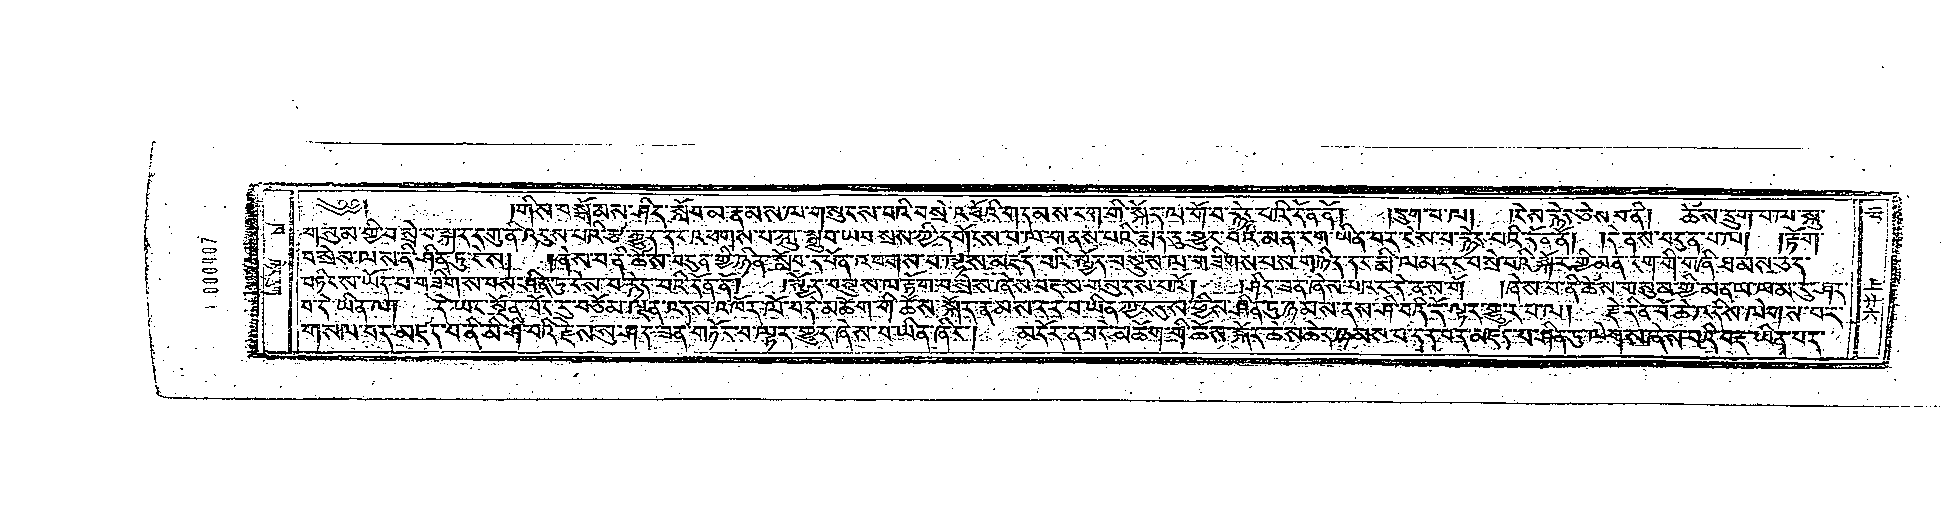༄༅། །གིས་བསྒོམས་ཤིང་སློབ་མ་རྣམས་ལ་གསུངས་པའི་བསྲེ་འཕོའི་གདམས་ངག་གི་སྐོར་ལ་གོ་བ་རྙེད་པའི་དོན་ནོ། །དྲུག་པ་ལ། །ངེས་རྙེད་ཅེས་བ་ནི། ཚེས་དྲུག་པ་ལ་སྐུ་
གསུམ་གྱི་བསྲེ་བ་སྐར་དགུ་ནི་འདུས་པའི་རྩ་རྒྱུད་དང་འཕགས་པ་ཀླུ་སྒྲུབ་ཡབ་སྲས་ཀྱི་དགོངས་བ་ལ་གནས་པའི་རྨད་དུ་བྱུང་བའི་མན་ངག་ཡིན་པར་ངེས་པ་རྙེད་པའི་དོན་ནོ། །དེ་ནས་བདུན་པ་ལ། །རྟོག་
བསྲེས་ལས་ནི་ཤིན་ཏུ་ངེས། །ཞེས་པ་ནི་ཚེས་བདུན་གྱི་ཉིན་སློབ་དཔོན་འཕགས་པ་ལྟས་མཛད་བའི་སྤྱོད་བསྡུས་ལ་གཟིགས་པས་གཉིད་དང་རྨི་ལམ་དང་བསྲེ་བའི་སྐོར་གྱི་མན་ངག་གི་གཞི་ཐམས་ཅད་
བཏིངས་ཡོད་བ་གཟིགས་པས་ཤིན་ཏུ་ངེས་པ་རྙེད་པའི་དོན་ནོ། །སྤྱོད་བསྡུས་ལ་རྟོག་བསྲེས་ཞེས་བརྡས་གསུངས་པའོ། །ཤིང་ཟན་ཞེས་པའང་དེ་ནས་གོ །ཞེས་པ་ནི་ཚེས་གསུམ་གྱི་མནལ་ལམ་དུ་ཤད་
བ་དེ་ཡིན་ལ། དེ་ཡང་སྔོན་བོད་དུ་བཅོམ་ལྡན་འདས་འཁོར་ལོ་བདེ་མཆོག་གི་ཆོས་སྐོར་རྣམས་དར་བ་ཡིན་ཀྱང་དུས་ཕྱིས་ཤིན་ཏུ་ཉམས་ནས་ཤི་བའི་རོ་ལྟར་གྱུར་པ་ལ། རྗེ་རིན་པོ་ཆེ་འདིས་ལེགས་པར་
གསལ་བར་མཛད་པ་ནི་མི་ཤི་བའི་རྗེས་སུ་ཤད་ཟན་གཏོང་བ་ལྟར་གྱུར་ཞེས་པ་ཡིན་ཞིང་། མདོར་ན་བདེ་མཆོག་གི་ཆོས་སྐོར་ཆེས་ཆེར་ཉམས་པ་དར་བར་མཛད་པ་ཤིན་ཏུ་ལེགས་ཞེས་བའི་བརྡ་ཡིན་པར་